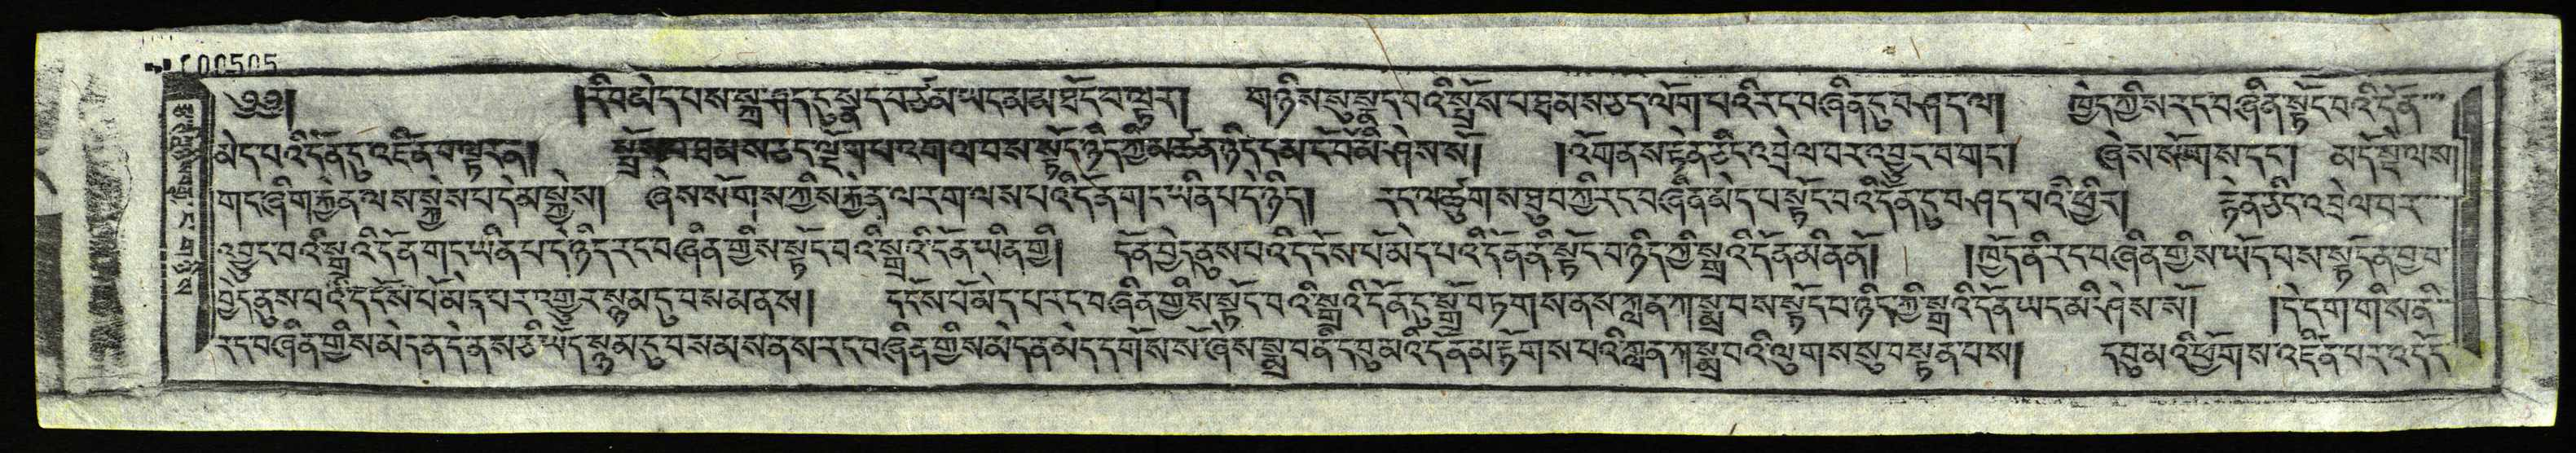༄༅། །རིབ་མེད་པས་སྐྲ་ཤད་དུ་སྣང་བ་ཙམ་ཡང་མ་མཐོང་བ་ལྟར། གཉིས་སུ་སྣང་བའི་སྤྲོས་པ་ཐམས་ཅད་ལོག་པའི་རང་བཞིན་དུ་བཤད་ལ། ཁྱེད་ཀྱིས་རང་བཞིན་སྟོང་པའི་དོན་
མེད་པའི་དོན་དུ་འཛིན་པ་ལྟར་ན། སྤྲོས་པ་ཐམས་ཅད་ལྡོག་པ་འགལ་བས་སྟོང་ཉིད་ཀྱི་མཚན་ཉིད་དམ་ངོ་བོ་མི་ཤེས་སོ། །འོག་ནས་རྟེན་ཅིང་འབྲེལ་བར་འབྱུང་བ་གང་། ཞེས་སོགས་དང་། མདོ་སྡེ་ལས།
གང་ཞིག་རྐྱེན་ལས་སྐྱེས་པ་དེ་མ་སྐྱེས། ཞེས་སོགས་ཀྱིས་རྐྱེན་ལ་རག་ལས་པའི་དོན་གང་ཡིན་པ་དེ་ཉིད། རང་ལ་ཚུགས་ཐུབ་ཀྱི་རང་བཞིན་མེད་པ་སྟོང་པའི་དོན་དུ་བཤད་པའི་ཕྱིར། རྟེན་ཅིང་འབྲེལ་བར་
འབྱུང་བའི་སྒྲའི་དོན་གང་ཡིན་པ་དེ་ཉིད་རང་བཞིན་གྱིས་སྟོང་པའི་སྒྲའི་དོན་ཡིན་གྱི། དོན་བྱེད་ནུས་པའི་དངོས་པོ་མེད་པའི་དོན་ནི་སྟོང་པ་ཉིད་ཀྱི་སྒྲའི་དོན་མིན་ནོ། །ཁྱོད་ནི་རང་བཞིན་གྱིས་ཡོད་པས་སྟོང་ན་བྱ་བ་
བྱེད་ནུས་པའི་དངོས་པོ་མེད་པར་འགྱུར་སྙམ་དུ་བསམ་ནས། དངོས་པོ་མེད་པ་རང་བཞིན་གྱིས་སྟོང་པའི་སྒྲའི་དོན་དུ་སྒྲོ་བཏགས་ནས་ཀླན་ཀ་སྨྲ་བས་སྟོང་པ་ཉིད་ཀྱི་སྒྲའི་དོན་ཡང་མི་ཤེས་སོ། །དེ་དག་གི་ས་ནི་
རང་བཞིན་གྱིས་མེད་ན་དེ་ནས་ཅི་ཡོད་སྙམ་དུ་བསམས་ནས་རང་བཞིན་གྱིས་མེད་ན་མེད་དགོས་སོ་ཞེས་སྨྲ་བ་ནི་དབུ་མའི་དོན་མ་རྟོགས་པའི་ཀླན་ཀ་སྨྲ་བའི་ལུགས་སུ་བསྟན་པས། དབུ་མའི་ཕྱོགས་འཛིན་པར་འདོད་